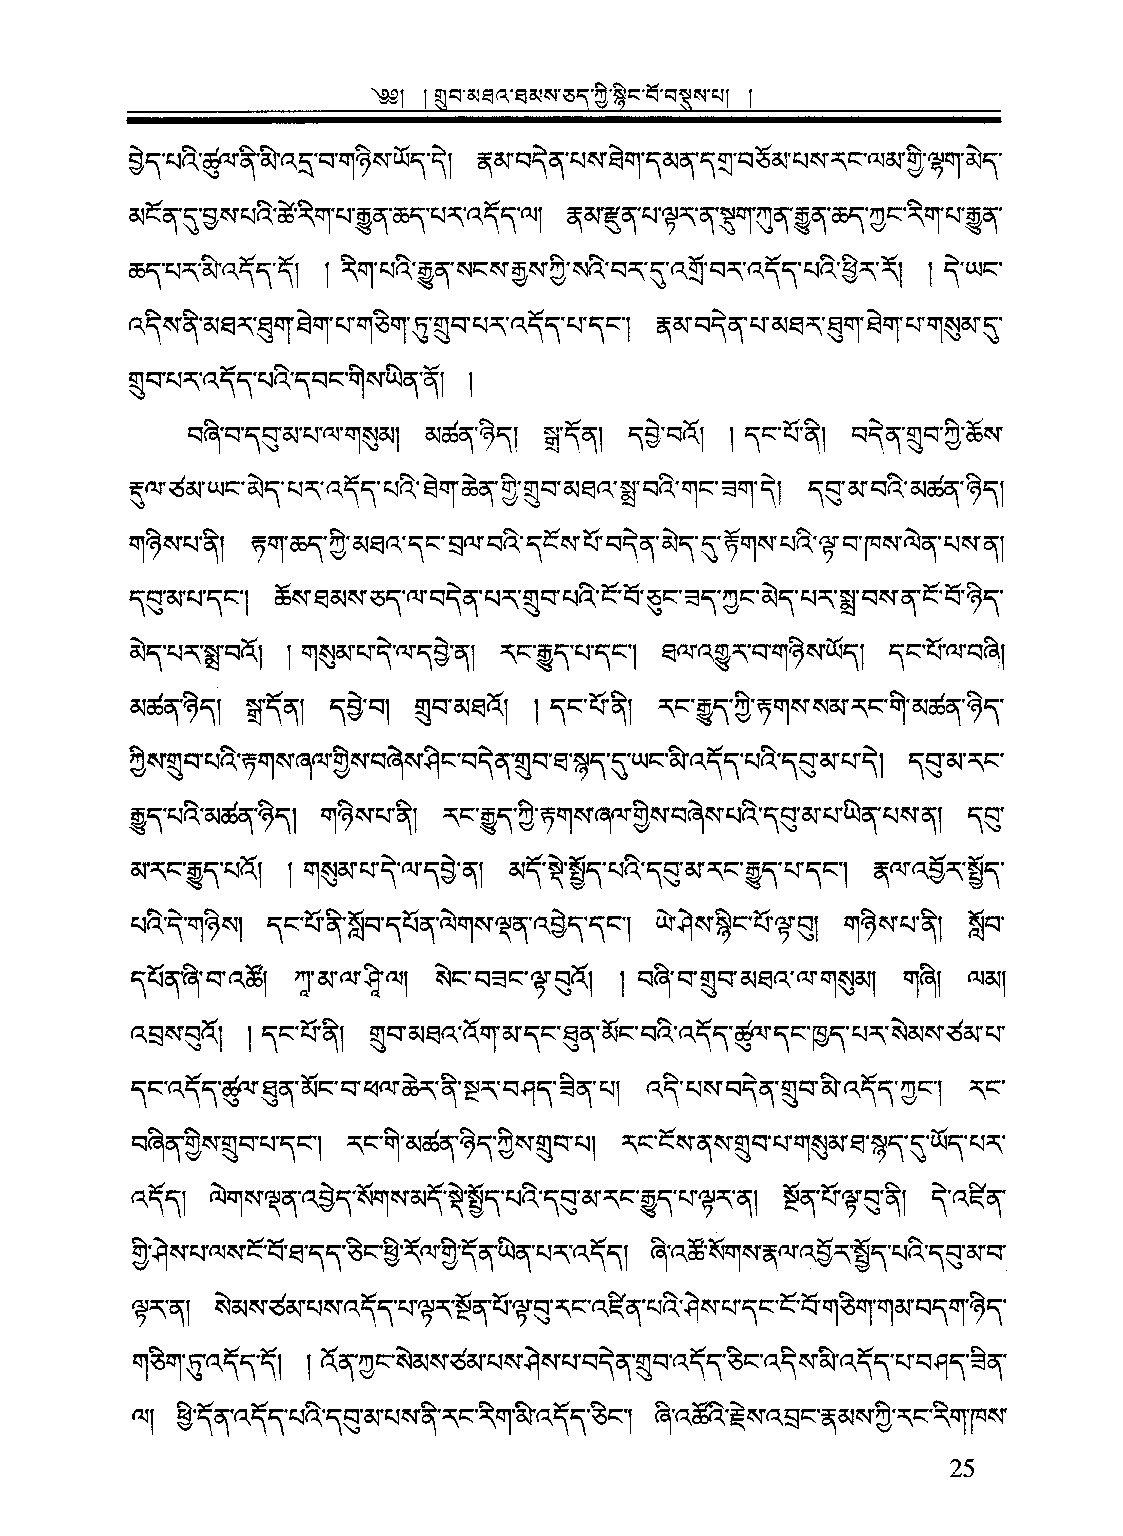བྱེད་པའི་ཚུལ་ནི་མི་འདྲ་བ་གཉིས་ཡོད་དེ། རྣམ་བདེན་པས་ཐེག་དམན་དགྲ་བཅོམ་པས་རང་ལམ་གྱི་ལྷག་མེད་
མངོན་དུ་བྱས་པའི་ཚེ་རིག་པ་རྒྱུན་ཆད་པར་འདོད་ལ། རྣམ་རྫུན་པ་ལྟར་ན་སྡུག་ཀུན་རྒྱུན་ཆད་ཀྱང་རིག་པ་རྒྱུན་
ཆད་པར་མི་འདོད་དོ། །རིག་པའི་རྒྱུན་སངས་རྒྱས་ཀྱི་སའི་བར་དུ་འགྲོ་བར་འདོད་པའི་ཕྱིར་རོ། །དེ་ཡང་
འདིས་ནི་མཐར་ཐུག་ཐེག་པ་གཅིག་ཏུ་གྲུབ་པར་འདོད་པ་དང་། རྣམ་བདེན་པ་མཐར་ཐུག་ཐེག་པ་གསུམ་དུ་
གྲུབ་པར་འདོད་པའི་དབང་གིས་ཡིན་ནོ། །
བཞི་བ་དབུ་མ་པ་ལ་གསུམ། མཚན་ཉིད། སྒྲ་དོན། དབྱེ་བའོ། །དང་པོ་ནི། བདེན་གྲུབ་ཀྱི་ཆོས་
རྡུལ་ཙམ་ཡང་མེད་པར་འདོད་པའི་ཐེག་ཆེན་གྱི་གྲུབ་མཐའ་སྨྲ་བའི་གང་ཟག་དེ། དབུ་མ་བའི་མཚན་ཉིད།
གཉིས་པ་ནི། རྟག་ཆད་ཀྱི་མཐའ་དང་བྲལ་བའི་དངོས་པོ་བདེན་མེད་དུ་རྟོགས་པའི་ལྟ་བ་ཁས་ལེན་པས་ན།
དབུ་མ་པ་དང་། ཆོས་ཐམས་ཅད་ལ་བདེན་པར་གྲུབ་པའི་ངོ་བོ་ཅུང་ཟད་ཀྱང་མེད་པར་སྨྲ་བས་ན་ངོ་བོ་ཉིད་
མེད་པར་སྨྲ་བའོ། །གསུམ་པ་དེ་ལ་དབྱེ་ན། རང་རྒྱུད་པ་དང་། ཐལ་འགྱུར་བ་གཉིས་ཡོད། དང་པོ་ལ་བཞི།
མཚན་ཉིད། སྒྲ་དོན། དབྱེ་བ། གྲུབ་མཐའོ། །དང་པོ་ནི། རང་རྒྱུད་ཀྱི་རྟགས་སམ་རང་གི་མཚན་ཉིད་
ཀྱིས་གྲུབ་པའི་རྟགས་ཞལ་གྱིས་བཞེས་ཤིང་བདེན་གྲུབ་ཐ་སྙད་དུ་ཡང་མི་འདོད་པའི་དབུ་མ་པ་དེ། དབུ་མ་རང་
རྒྱུད་པའི་མཚན་ཉིད། གཉིས་པ་ནི། རང་རྒྱུད་ཀྱི་རྟགས་ཞལ་གྱིས་བཞེས་པའི་དབུ་མ་པ་ཡིན་པས་ན། དབུ་
མ་རང་རྒྱུད་པའོ། །གསུམ་པ་དེ་ལ་དབྱེ་ན། མདོ་སྡེ་སྤྱོད་པའི་དབུ་མ་རང་རྒྱུད་པ་དང་། རྣལ་འབྱོར་སྤྱོད་
པའི་དེ་གཉིས། དང་པོ་ནི་སློབ་དཔོན་ལེགས་ལྡན་འབྱེད་དང་། ཡེ་ཤེས་སྙིང་པོ་ལྟ་བུ། གཉིས་པ་ནི། སློབ་
དཔོན་ཞི་བ་འཚོ། ཀཱ་མ་ལ་ཤཱི་ལ། སེང་བཟང་ལྟ་བུའོ། །བཞི་བ་གྲུབ་མཐའ་ལ་གསུམ། གཞི། ལམ།
འབྲས་བུའོ། །དང་པོ་ནི། གྲུབ་མཐའ་འོག་མ་དང་ཐུན་མོང་བའི་འདོད་ཚུལ་དང་ཁྱད་པར་སེམས་ཙམ་པ་
དང་འདོད་ཚུལ་ཐུན་མོང་བ་ཕལ་ཆེར་ནི་སྔར་བཤད་ཟིན་པ། འདི་པས་བདེན་གྲུབ་མི་འདོད་ཀྱང་། རང་
བཞིན་གྱིས་གྲུབ་པ་དང་། རང་གི་མཚན་ཉིད་ཀྱིས་གྲུབ་པ། རང་ངོས་ནས་གྲུབ་པ་གསུམ་ཐ་སྙད་དུ་ཡོད་པར་
འདོད། ལེགས་ལྡན་འབྱེད་སོགས་མདོ་སྡེ་སྤྱོད་པའི་དབུ་མ་རང་རྒྱུད་པ་ལྟར་ན། སྔོན་པོ་ལྟ་བུ་ནི། དེ་འཛིན་
གྱི་ཤེས་པ་ལས་ངོ་བོ་ཐ་དད་ཅིང་ཕྱི་རོལ་གྱི་དོན་ཡིན་པར་འདོད། ཞི་འཚོ་སོགས་རྣལ་འབྱོར་སྤྱོད་པའི་དབུ་མ་པ་
ལྟར་ན། སེམས་ཙམ་པས་འདོད་པ་ལྟར་སྔོན་པོ་ལྟ་བུ་རང་འཛིན་པའི་ཤེས་པ་དང་ངོ་བོ་གཅིག་གམ་བདག་ཉིད་
གཅིག་ཏུ་འདོད་དོ། །འོན་ཀྱང་སེམས་ཙམ་པས་ཤེས་པ་བདེན་གྲུབ་འདོད་ཅིང་འདིས་མི་འདོད་པ་བཤད་ཟིན་
ལ། ཕྱི་དོན་འདོད་པའི་དབུ་མ་པས་ནི་རང་རིག་མི་འདོད་ཅིང་། ཞི་འཚོའི་རྗེས་འབྲང་རྣམས་ཀྱི་རང་རིག་ཁས་